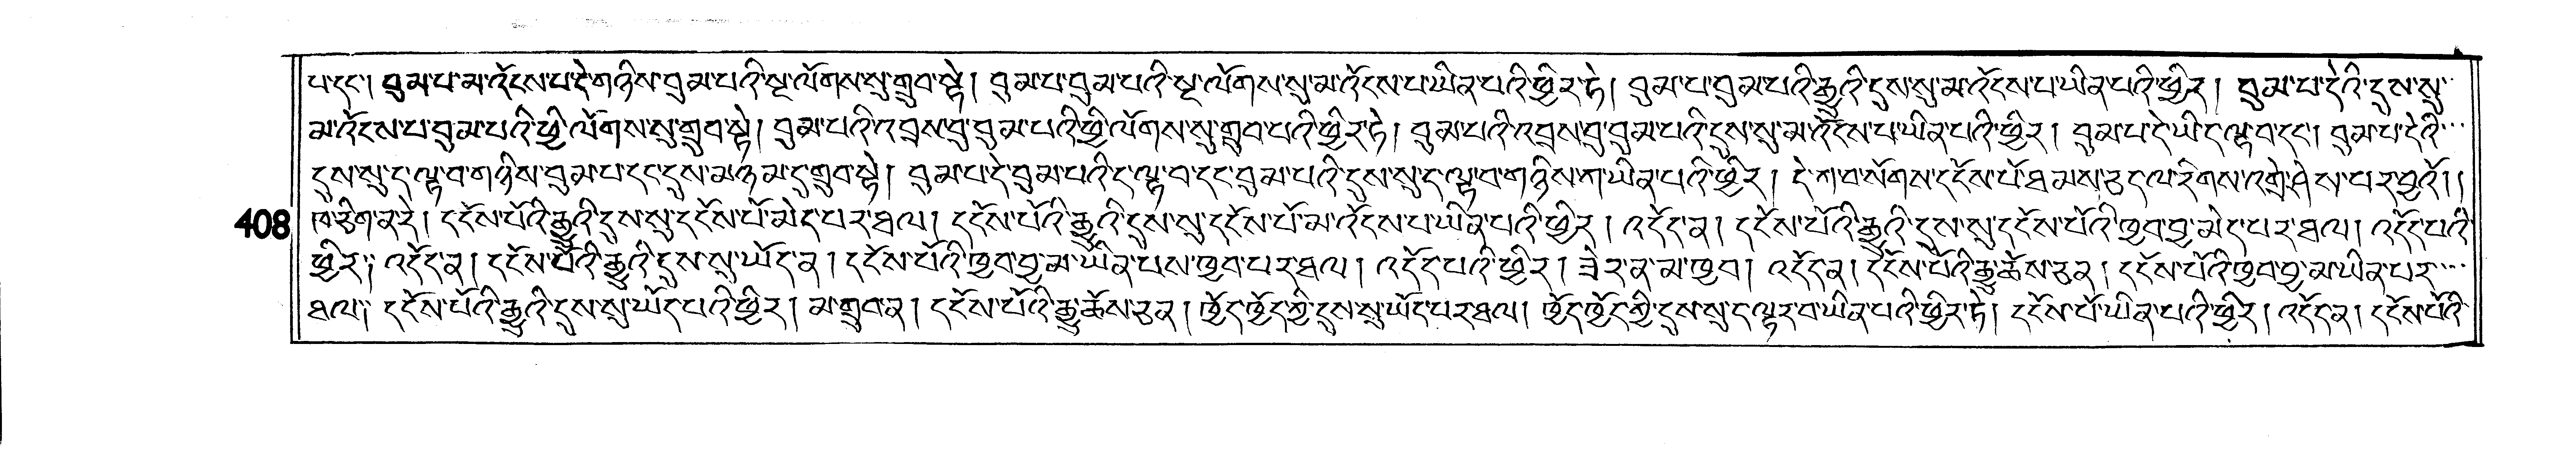པ་དང་། བུམ་པ་མ་འོངས་པ་དེ་གཉིས་བུམ་པའི་སྔ་ལོགས་སུ་གྲུབ་སྟེ། བུམ་པ་བུམ་པའི་སྔ་ལོགས་སུ་མ་འོངས་སུ་མ་འོངས་པ་ཡིན་པའི་ཕྱིར་ཏེ། བུམ་པ་བུམ་པའི་རྒྱུའི་དུས་སུ་མ་འོངས་པ་ཡིན་པའི་ཕྱིར། བུམ་པ་དེའི་དུས་སུ་
མ་འོངས་པ་བུམ་པའི་ཕྱི་ལོགས་སུ་གྲུབ་སྟེ། བུམ་པའི་འབྲས་བུ་བུམ་པའི་ཕྱི་ལོགས་སུ་གྲུབ་པའི་ཕྱིར་ཏེ། བུམ་པའི་འབྲས་བུ་བུམ་པའི་དུས་སུ་མ་འོངས་པ་ཡིན་པའི་ཕྱིར། བུམ་པ་དེ་ཡིད་ལྟ་བ་དང་། བུམ་པ་དེའི་
དུས་སུ་ད་ལྟ་བ་གཉིས་བུམ་པ་དང་དུས་གཉམ་དུ་གྲུབ་སྟེ། བུམ་པ་དེ་བུམ་པའི་ད་ལྟ་བ་དང་བུམ་པའི་དུས་སུ་ད་ལྟ་བ་གཉིས་ཀ་ཡིན་པའི་ཕྱིར། དེ་ཀ་བ་སོགས་དངོས་པོ་ཐམས་ཅད་ལ་རིགས་འགྲེ་ཤེས་པར་བྱའོ། །
ཁ་ཅིག་ན་རེ། དངོས་པོའི་རྒྱུའི་དུས་སུ་དངོས་པོ་མེད་པར་ཐལ། དངོས་པོའི་རྒྱུ་དུས་སུ་དངོས་པོ་མ་འོངས་པ་ཡིན་པའི་ཕྱིར། འདོད་ན། དངོས་པོའི་རྒྱུའི་དུས་སུ་དངོས་པོའི་ཁྱད་བྱ་མེད་པར་ཐལ། འདོད་པའི་
ཕྱིར༑ འདོད་ན། དངོས་པོའི་རྒྱུའི་དུས་སུ་ཡོད་ན། དངོས་པོའི་ཁྱབ་བྱ་མ་ཡིན་པས་ཁྱབ་པར་ཐལ། འདོད་པའི་ཕྱིར། ཟེར་ན་མ་ཁྱབ། འདོད་ན། དངོས་པོའི་རྒྱུ་ཆོས་ཅན། དངོས་པོའི་ཁྱབ་བྱ་མ་ཡིན་པར་
ཐལ༑ དངོས་པོའི་རྒྱུའི་དུས་སུ་ཡོད་པའི་ཕྱིར། མ་གྲུབ་ན། དངོས་པོའི་རྒྱུ་ཆོས་ཅན། ཁྱོད་ཁྱོད་ཀྱི་དུས་སུ་ཡོད་པར་ཐལ། ཁྱོད་ཁྱོད་ཀྱི་དུས་སུ་ད་ལྟར་བ་ཡིན་པའི་ཕྱིར་ཏེ། དངོས་པོ་ཡིན་པའི་ཕྱིར། འདོད་ན། དངོས་པོའི་